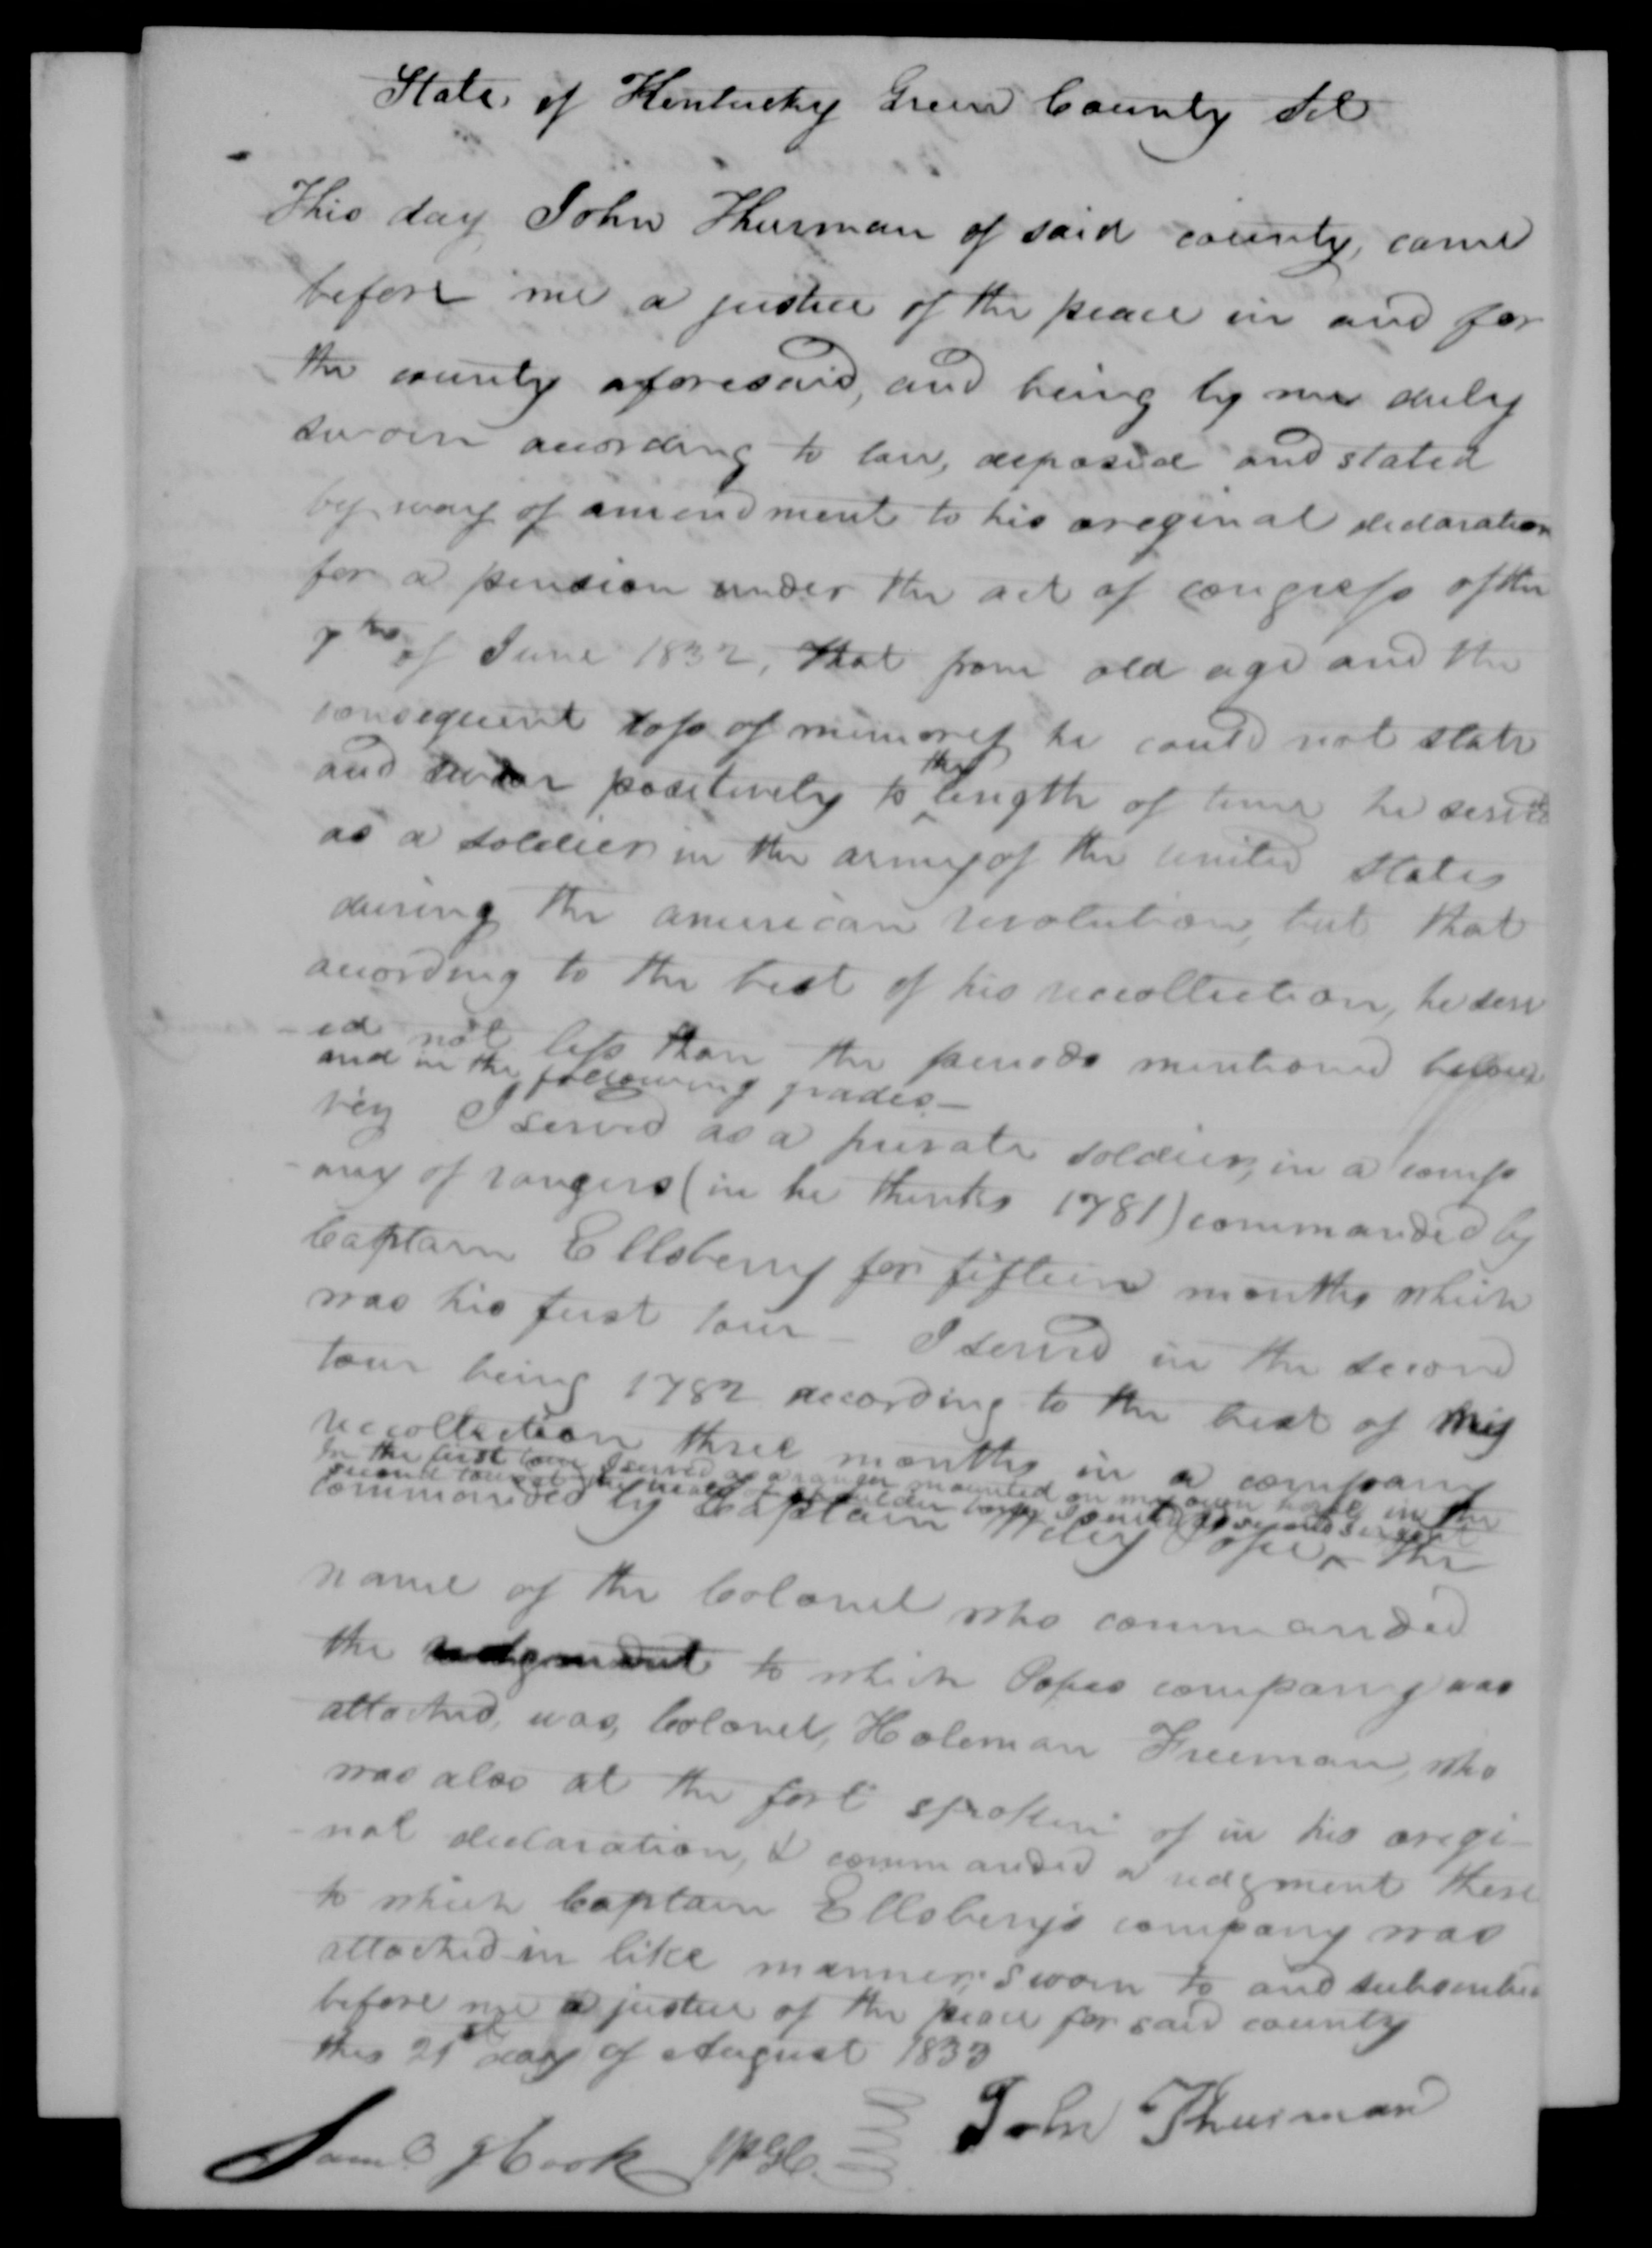[ State of Kentucky Green County ] Set This day John Thurman of said County came before me a Justice of the peace in and for the County aforesaid , and being by me duly sworn according to law, deposed and stated by way of amendment to his original declaration for a pension under the act of Congress of the 7th of June 1832. that from old age and the consequent loss of memory  he could not state  and swear positively to length of time he served as a soldier in the army of the United States during the American Revolution , but according to the best of his recollection  he served not less than the periods mentioned below and in the following grades . viz I served as a private soldier in a company of rangers  ( in he thinks 1781 ) commanded by Captain Ellsberry for fifteen months ( underscored ) which was his first tour - I served in the second tour being 1782 according to the best of my recollection three months in a company [In the first tour I served as a ranger mounted on my own horse in the second tour at the treaty of (? illegible )  bay I served ...(illegible ) ] commanded by Captain Wiley Pope the name of the Colonel who commanded the regiment to which Pope's company was attached was  Colonel Holeman  Freeman who was also at the fort spoken of in his original declaration , & commanded a regiment there to which Captain Ellsberry's company  was attached in like manner. Sworn to and subscribed before me a Justice of the peace for said County this 21st day of August 1832.John Thurman ( signed )  Saml G Cook ( signed )  JPGC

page: 38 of 53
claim: widow's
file: W. 6,267, for John Thurman, Georgia